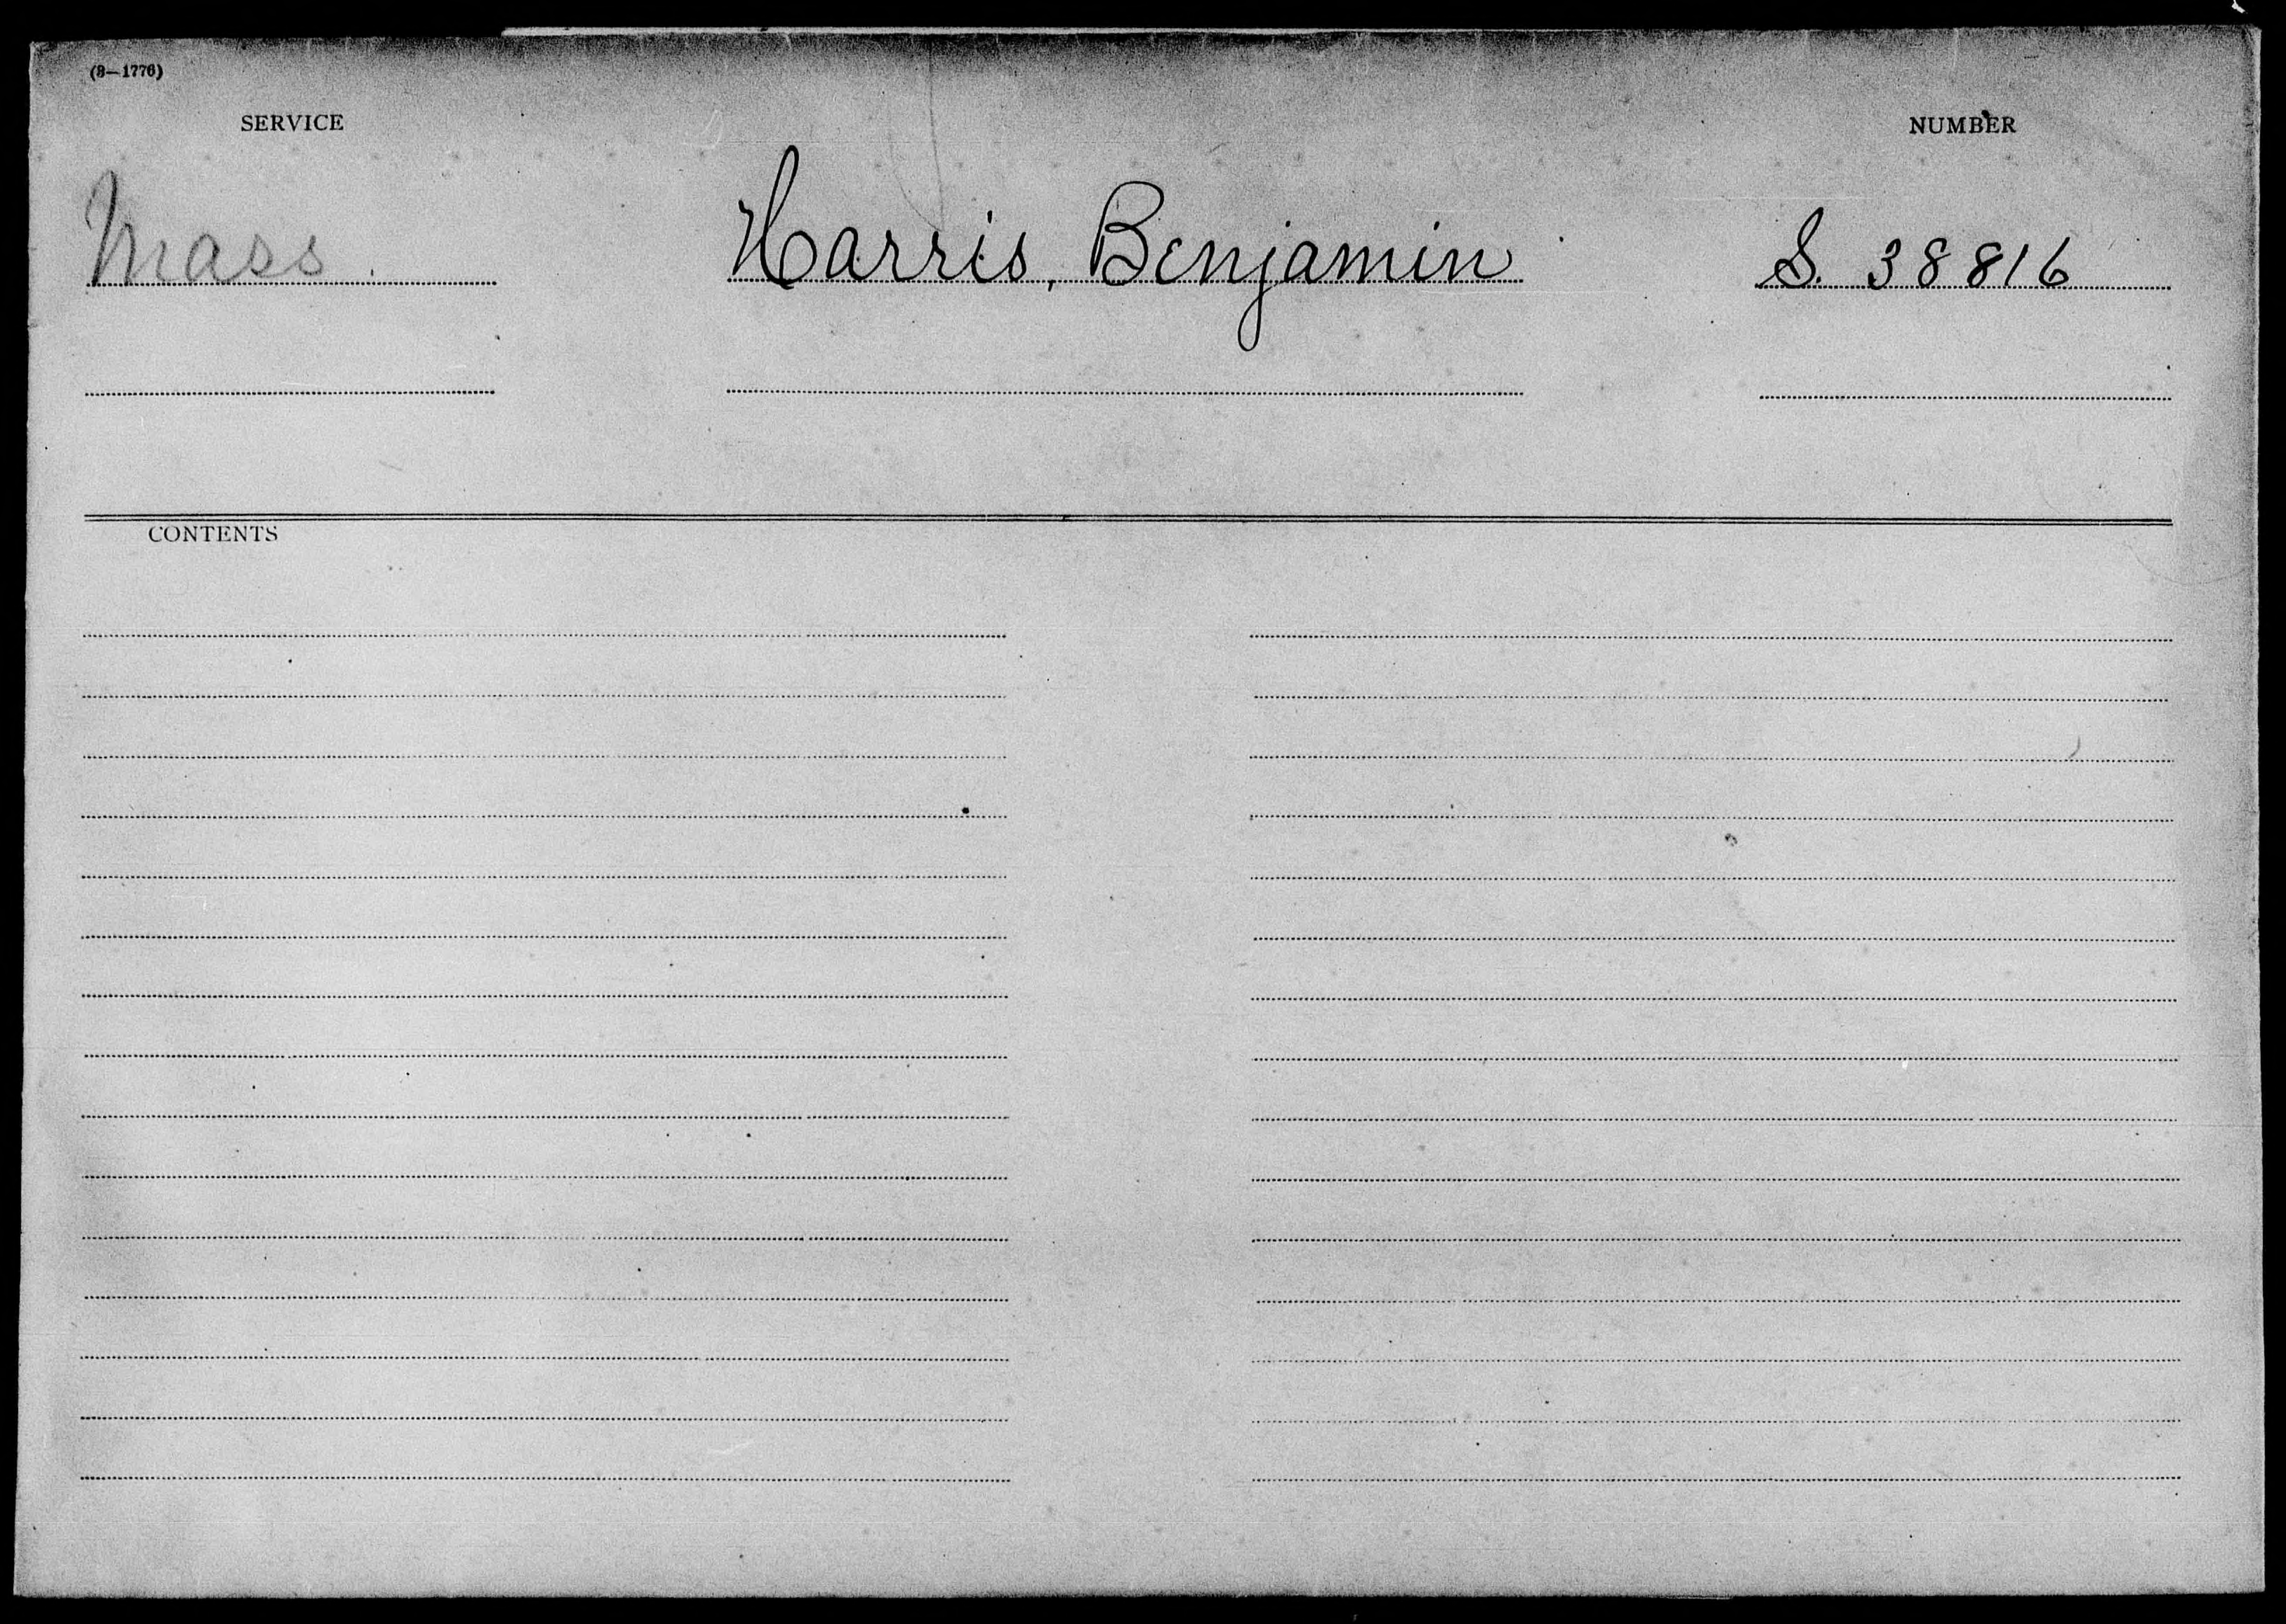8-1776
Service Number
Mass. Harris, Benjamin S38816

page: 1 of 62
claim: survivor's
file: S. 38816, Benjamin Harris, Mass.